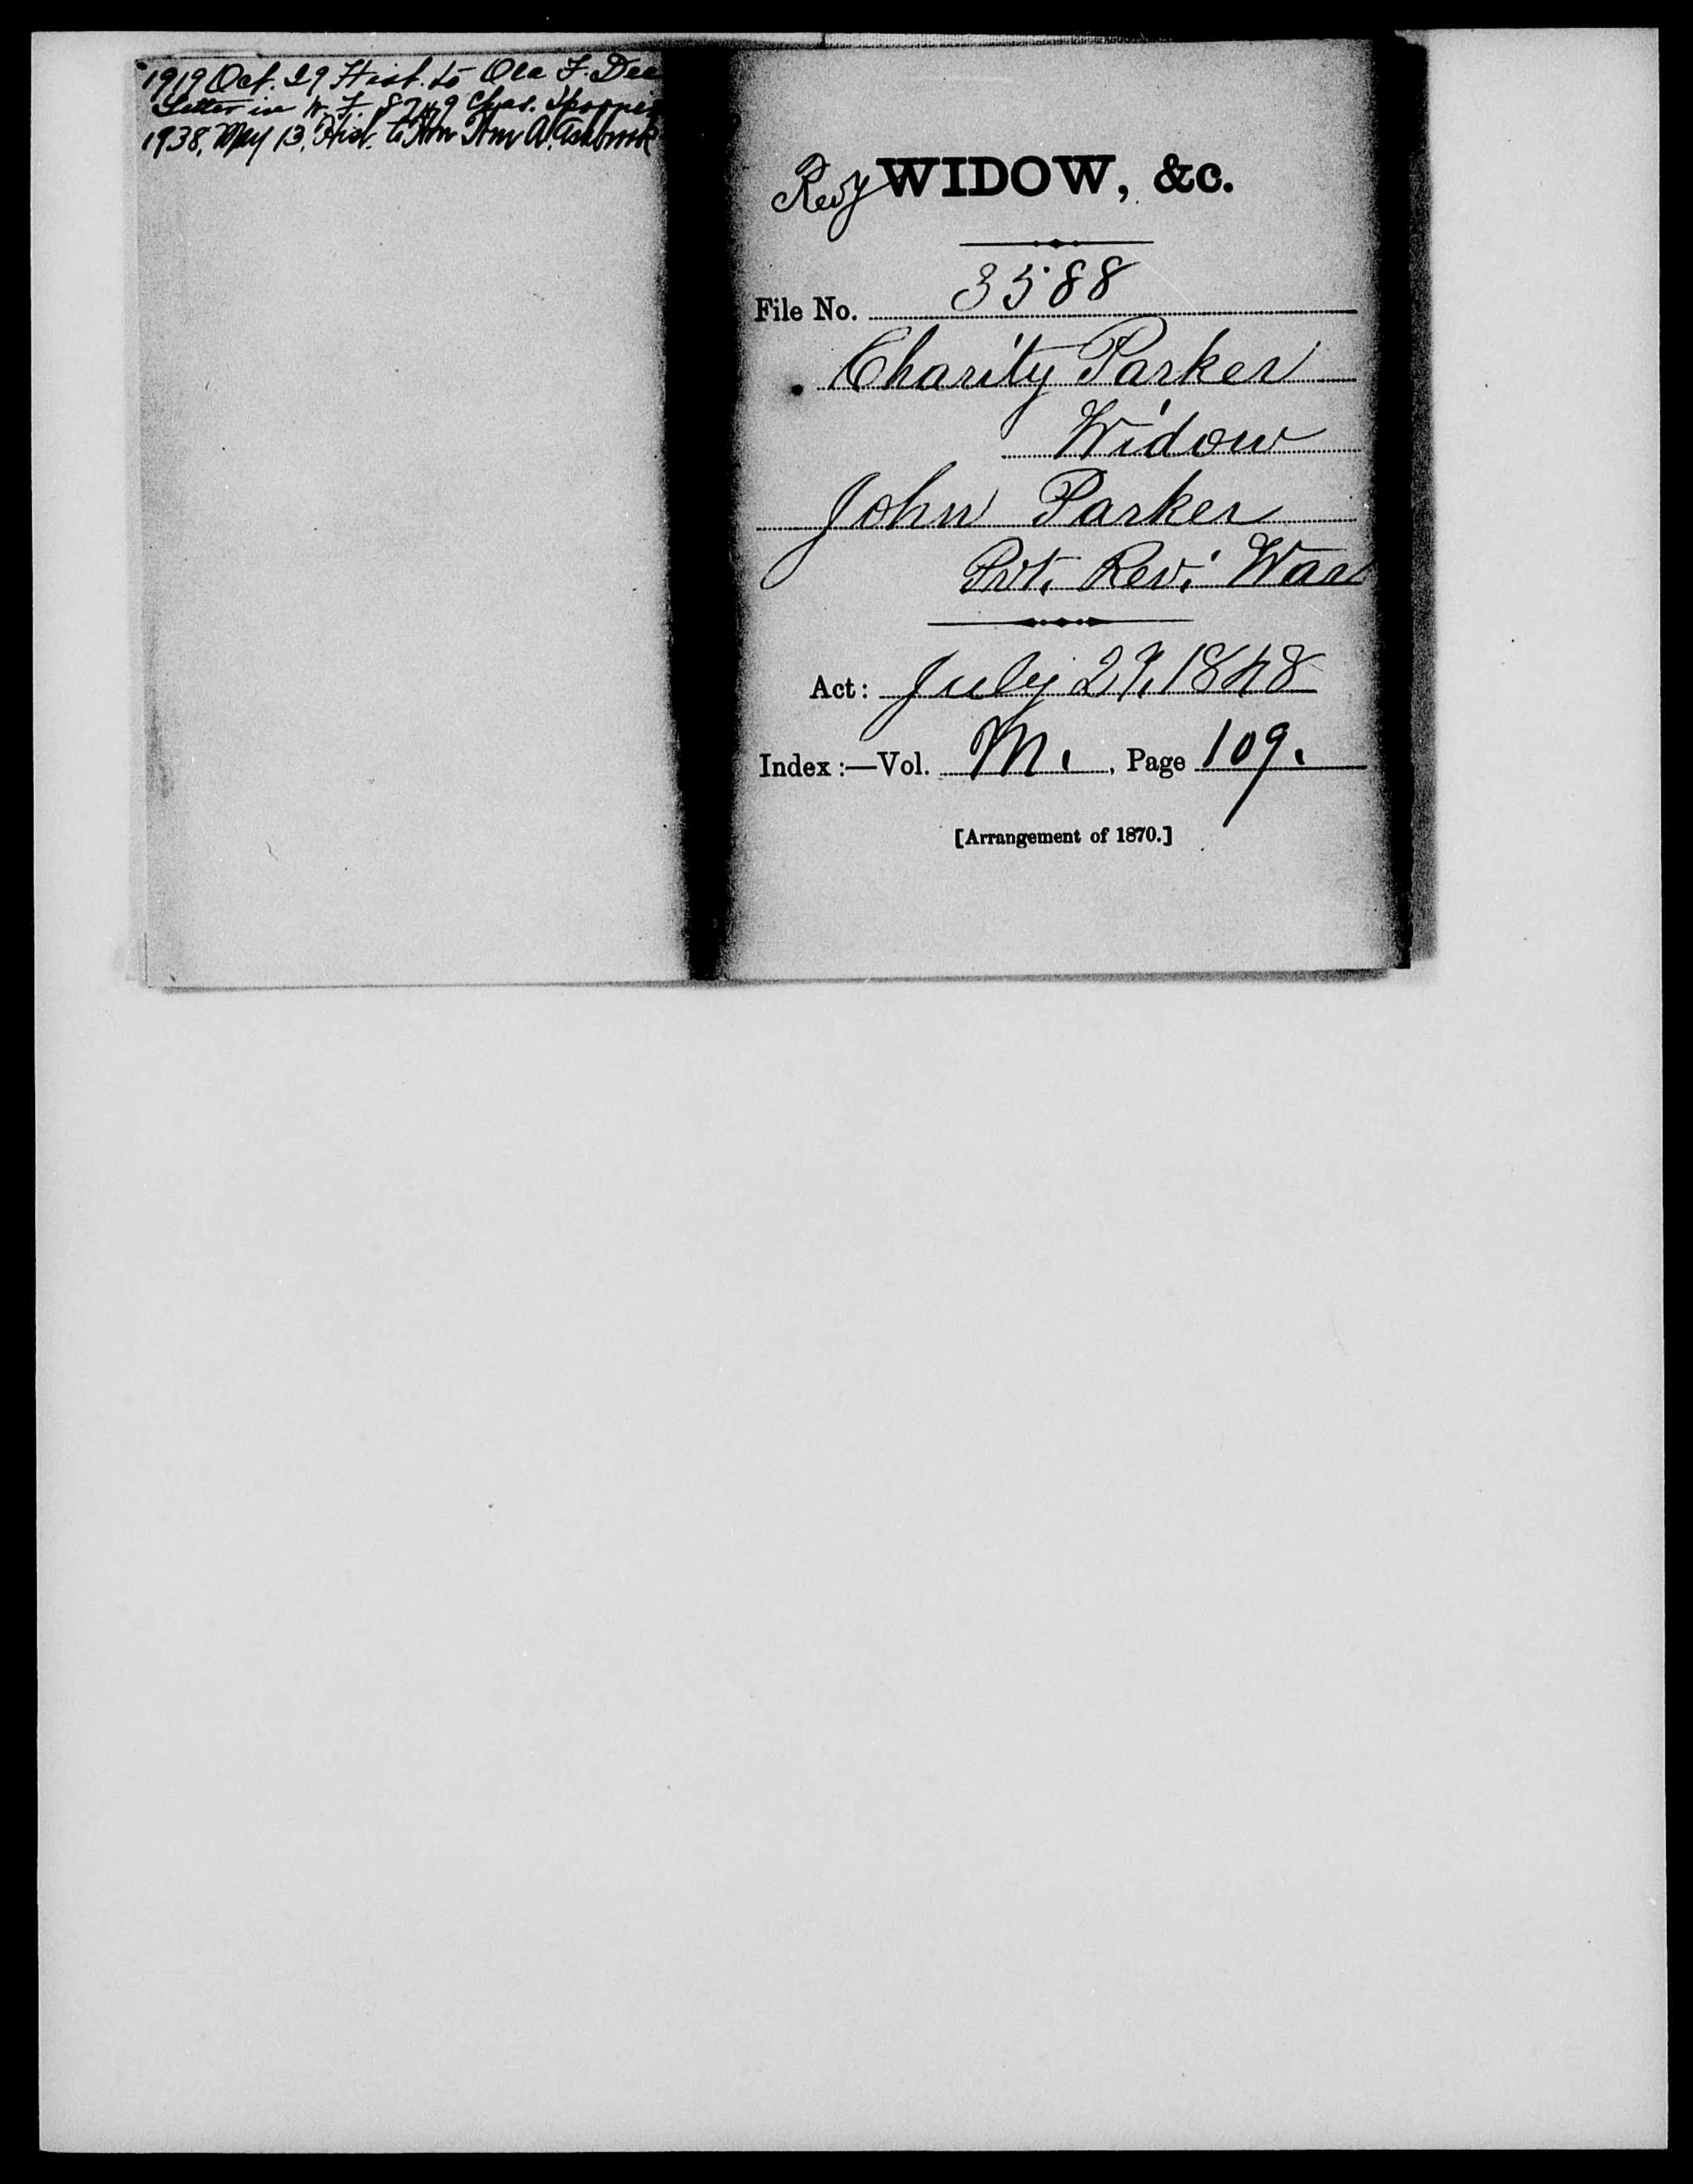[Left side of image]
1919 Oct 29 [illegible]
Letter in [illegible] Chas. Spooner
1938, May 13 Hist. to Hon. Wm. A. Ashbrook

[Right side of image]
Revy WIDOW, &c.
File No. 3588
Charity Parker
Widow
John Parker
Prvt. Rev. War
__________
Act: July 23, 1848
Index:-Vol. M., Page 109.

[The following is in brackets in the original document]
[Arrangement of 1870.]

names: Charity Parker; Chas Spooner; John Parker; Wm A Ashbrook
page: 38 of 40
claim: widow's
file: W. 3,588, for John Parker, Pennsylvania